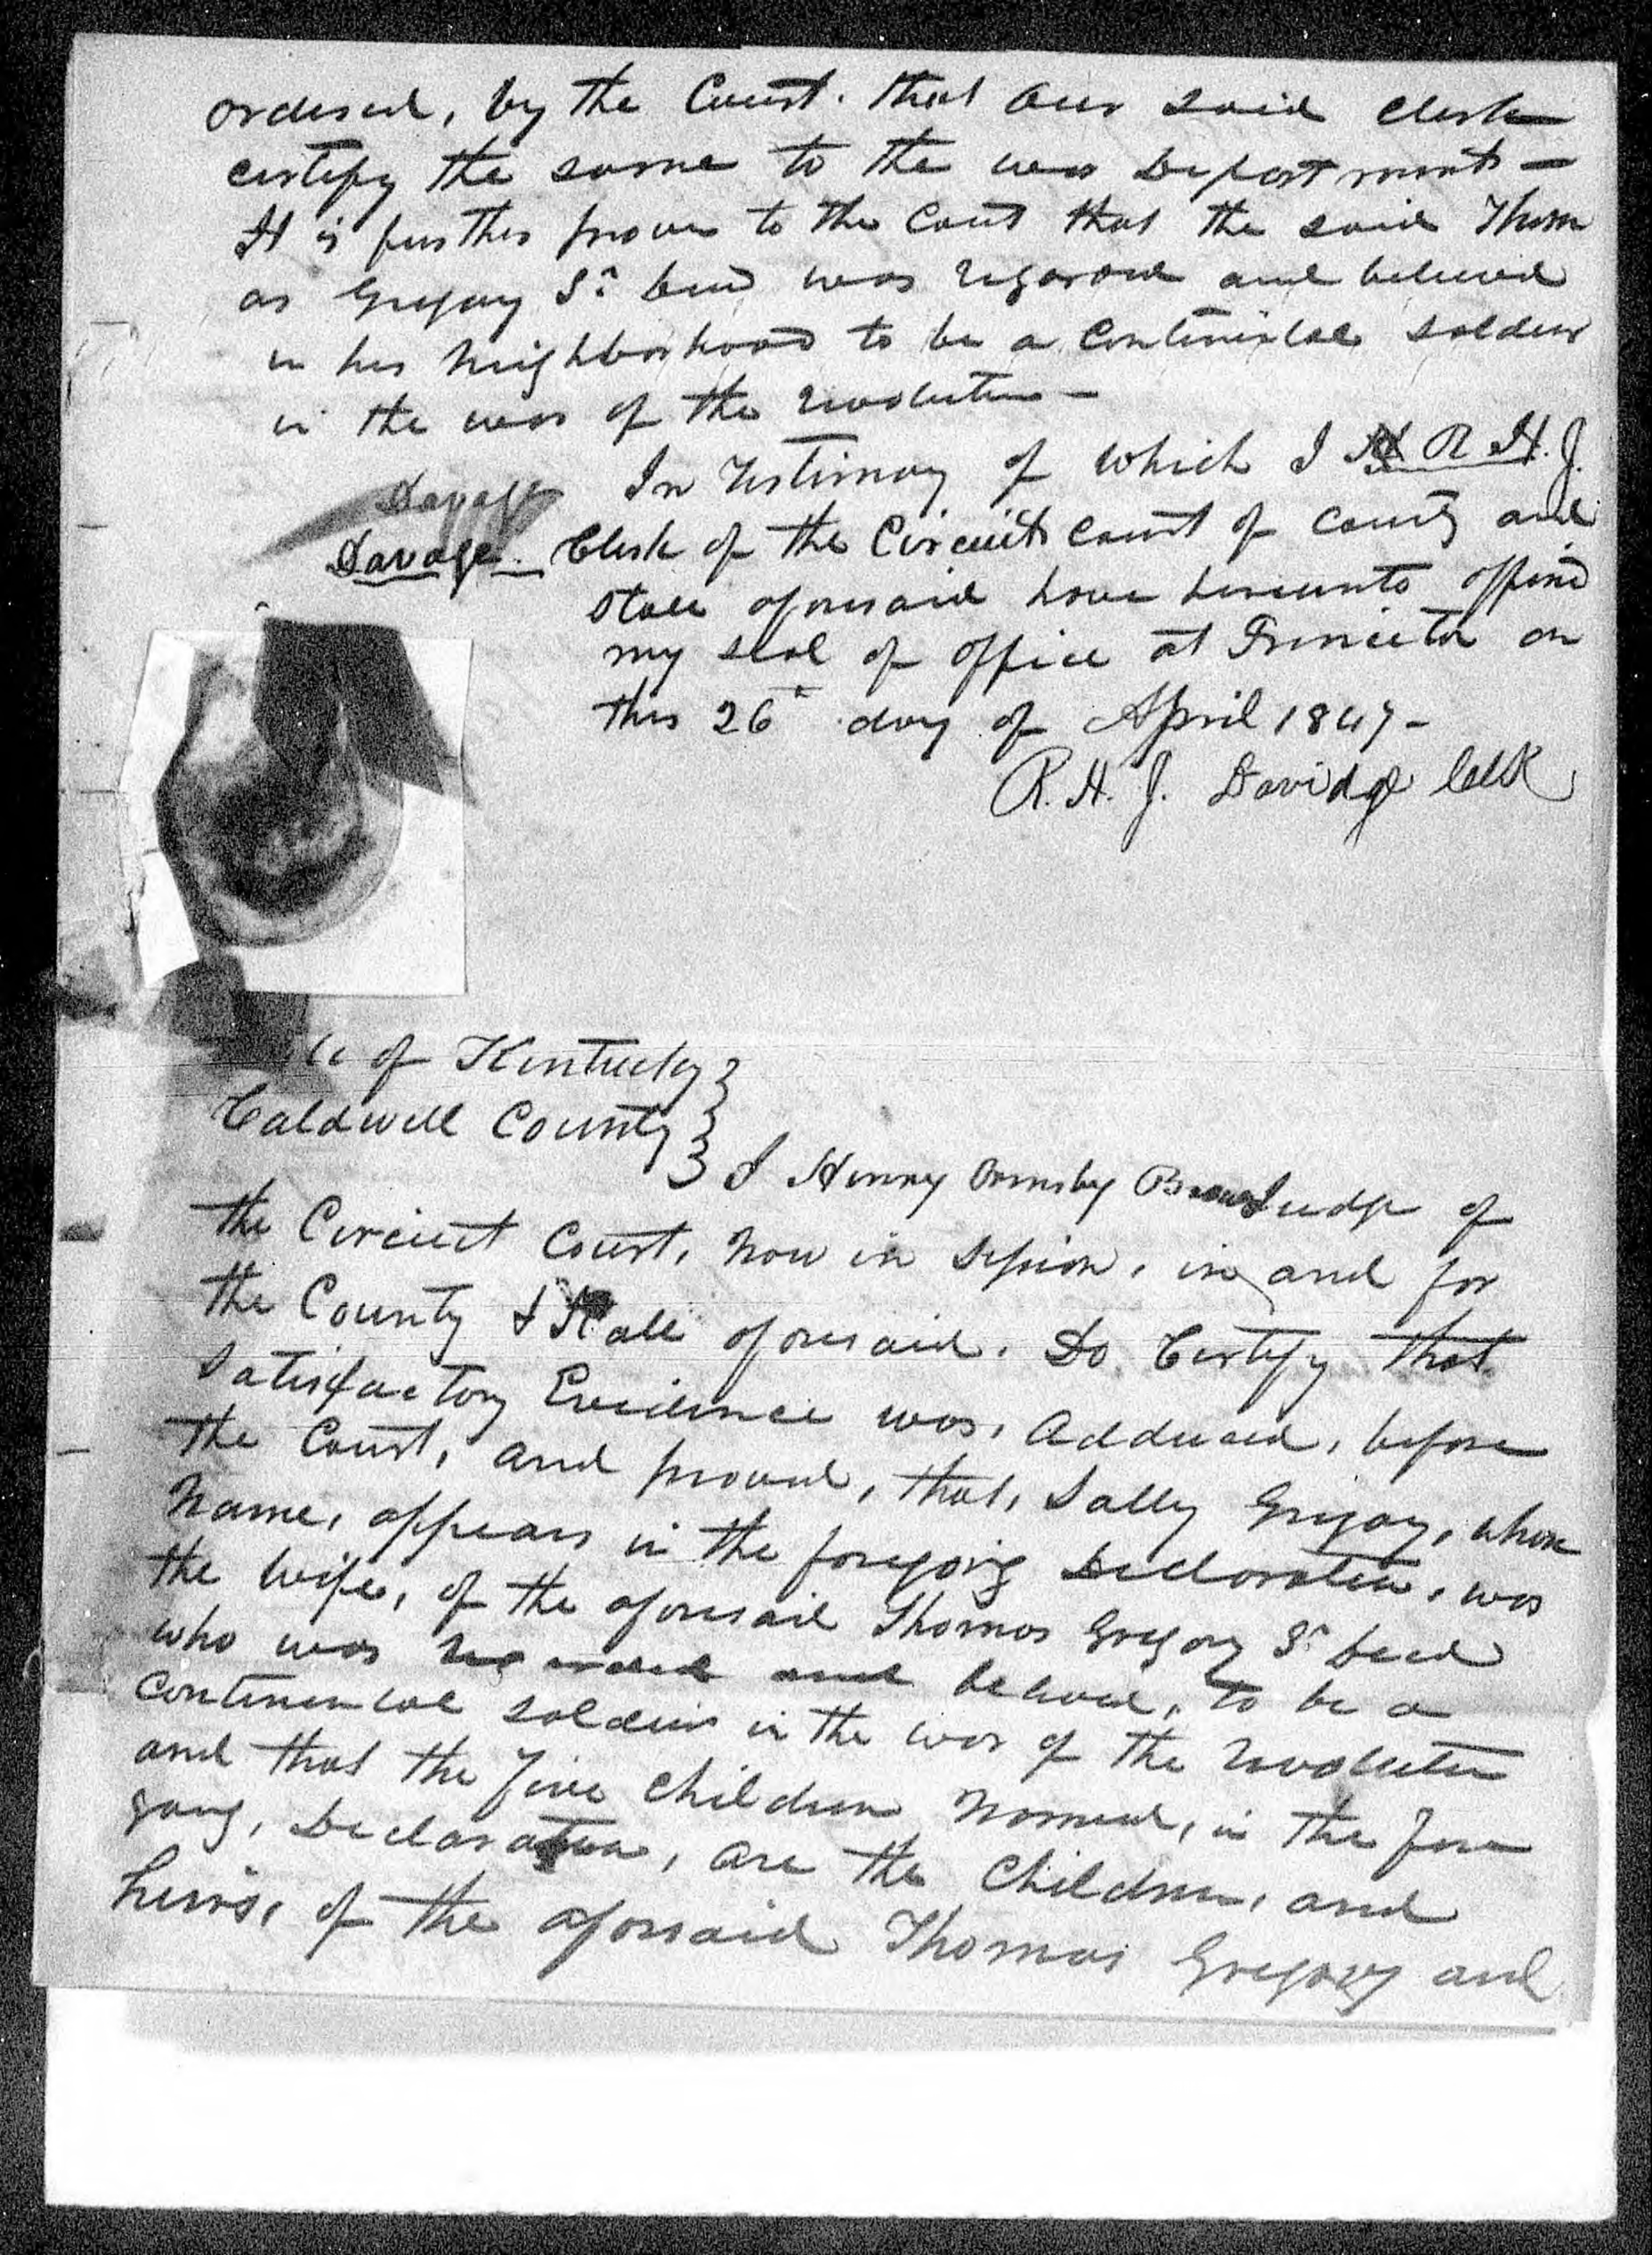ordered, by the court, that our said clerk certify the same to the war Department--It is further proven to the court that the said Thomas Gregory Sr. decd. was regarded and believed in his neighborhood to be a continental soldier in the war of the revolution--
In Testimony of which I [crossed out: H.]  R. H. J. Davage Clerk of the Circuit Court of County and State aforesaid have hereunto affixed my seal of office at Princeton on this 26th day of April 1847--
R. H. J. Davidge Clk

State of Kentucky}
Caldwell County  }
I Henry Ormsby Brown Judge of the Circuit Court, now in Session, in and for the County & State aforesaid, Do Certify that satisfactory Evidence was, Adduced, before the Court, and proved, that, Sally Gregory, whose Name appears in the foregoing Declaration, was the wife of the aforesaid Thomas Gregory Sr decd. who was regarded and believed to be a continental soldier in the war of the revolution and that the five children named in the foregoing Declaration are the children and heirs of the aforsaid [sic] Thomas Gregory and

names: Henry Ormsby Brown, Thomas Gregory, Sally Gregory, R H J Davidge, Thomas Gregory, Thomas Gregory, R H J Davage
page: 8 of 75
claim: widow's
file: W. 8876, Thomas Gregory, Continental Va